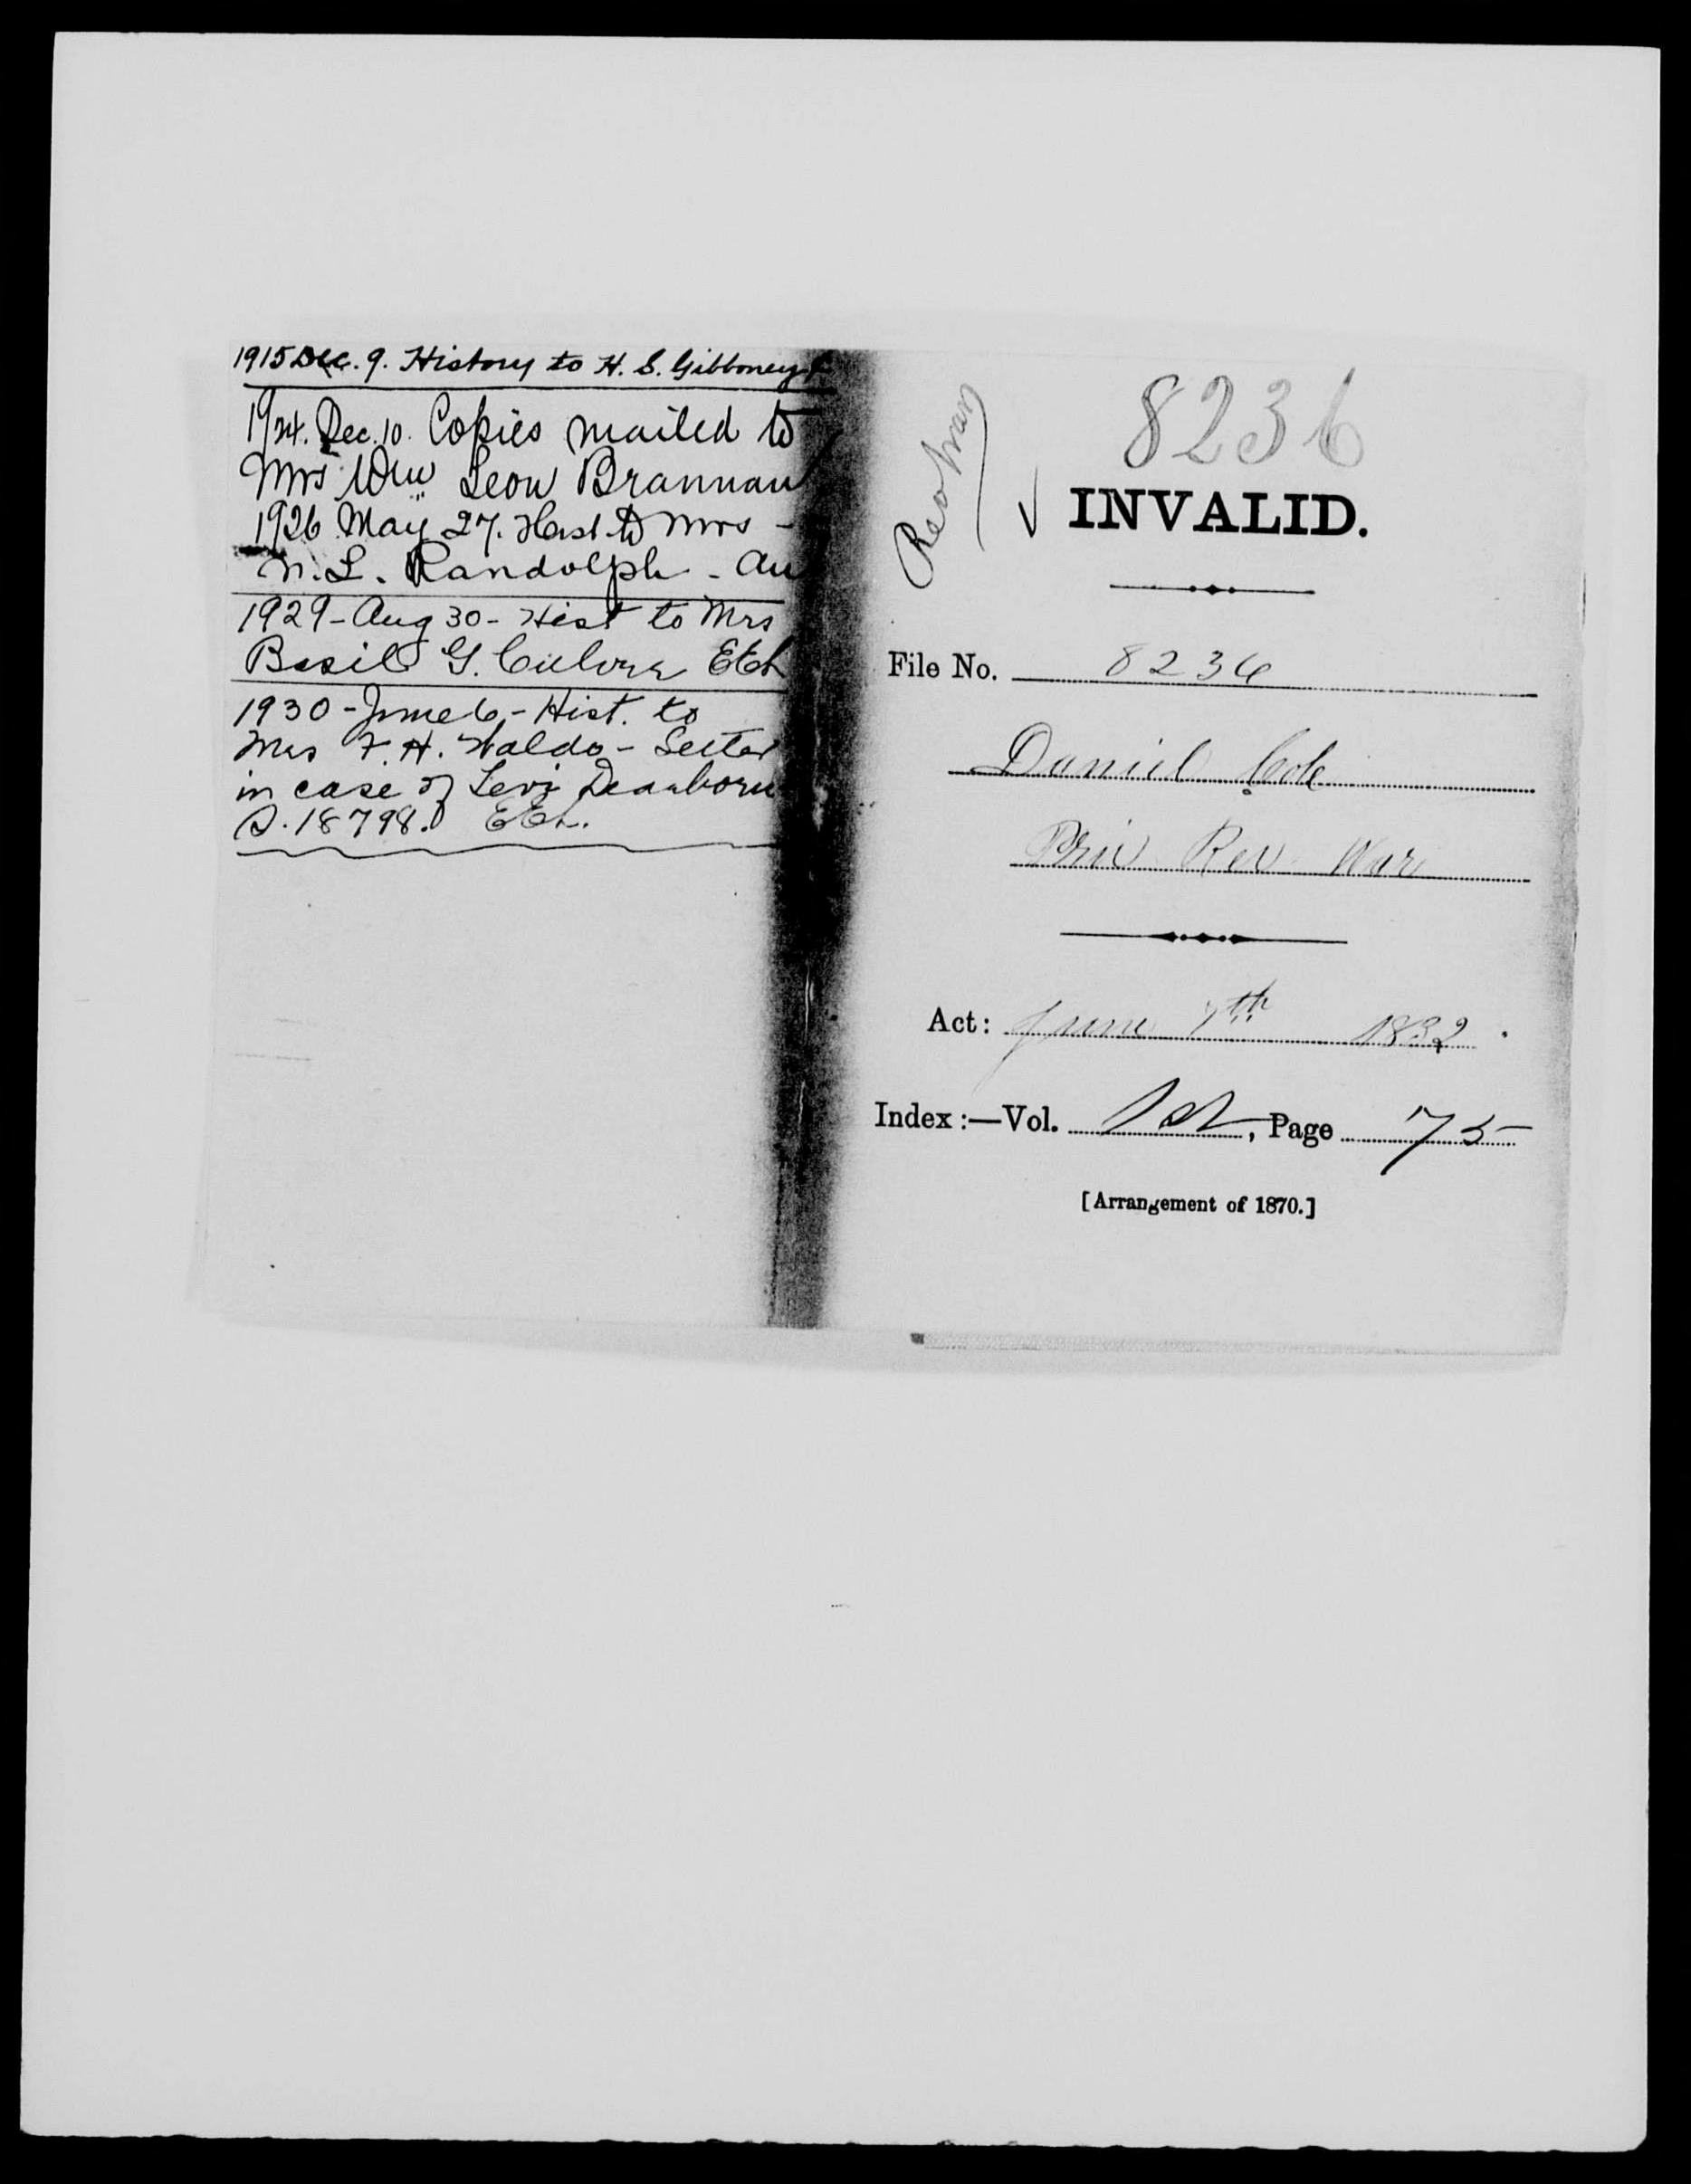1915 Dec. 9. History to H.S. Gibboney
1924 Dec. 16. Copies mailed to ┃
Mrs Wm Leon Brannan
1926 May 27. Hist to Mrs N. L. Randolph, au
1929, Aug 30 - Hist to Mrs Basil G. Culver Eth
1930 June 6 - Hist to  Mrs F.H. Waldo Letter
in case of Levi Dearborn
S. 18798. EEh

Rev [Revolutionary] War

8236
INVALID.
File No. 8236

Daniel Cole
Pri Rev War

Act: June 7th 1832
Index: -- Vol. 1st, Page 75
[Arrangement of 1870.}

I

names: N L Randolph, H S Gibboney, Wm Leon Brannan, Daniel Cole, Levi Dearborn, Basil G Culver, F H Waldo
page: 32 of 61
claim: survivor's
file: S. 8236, Daniel Cole, Va.